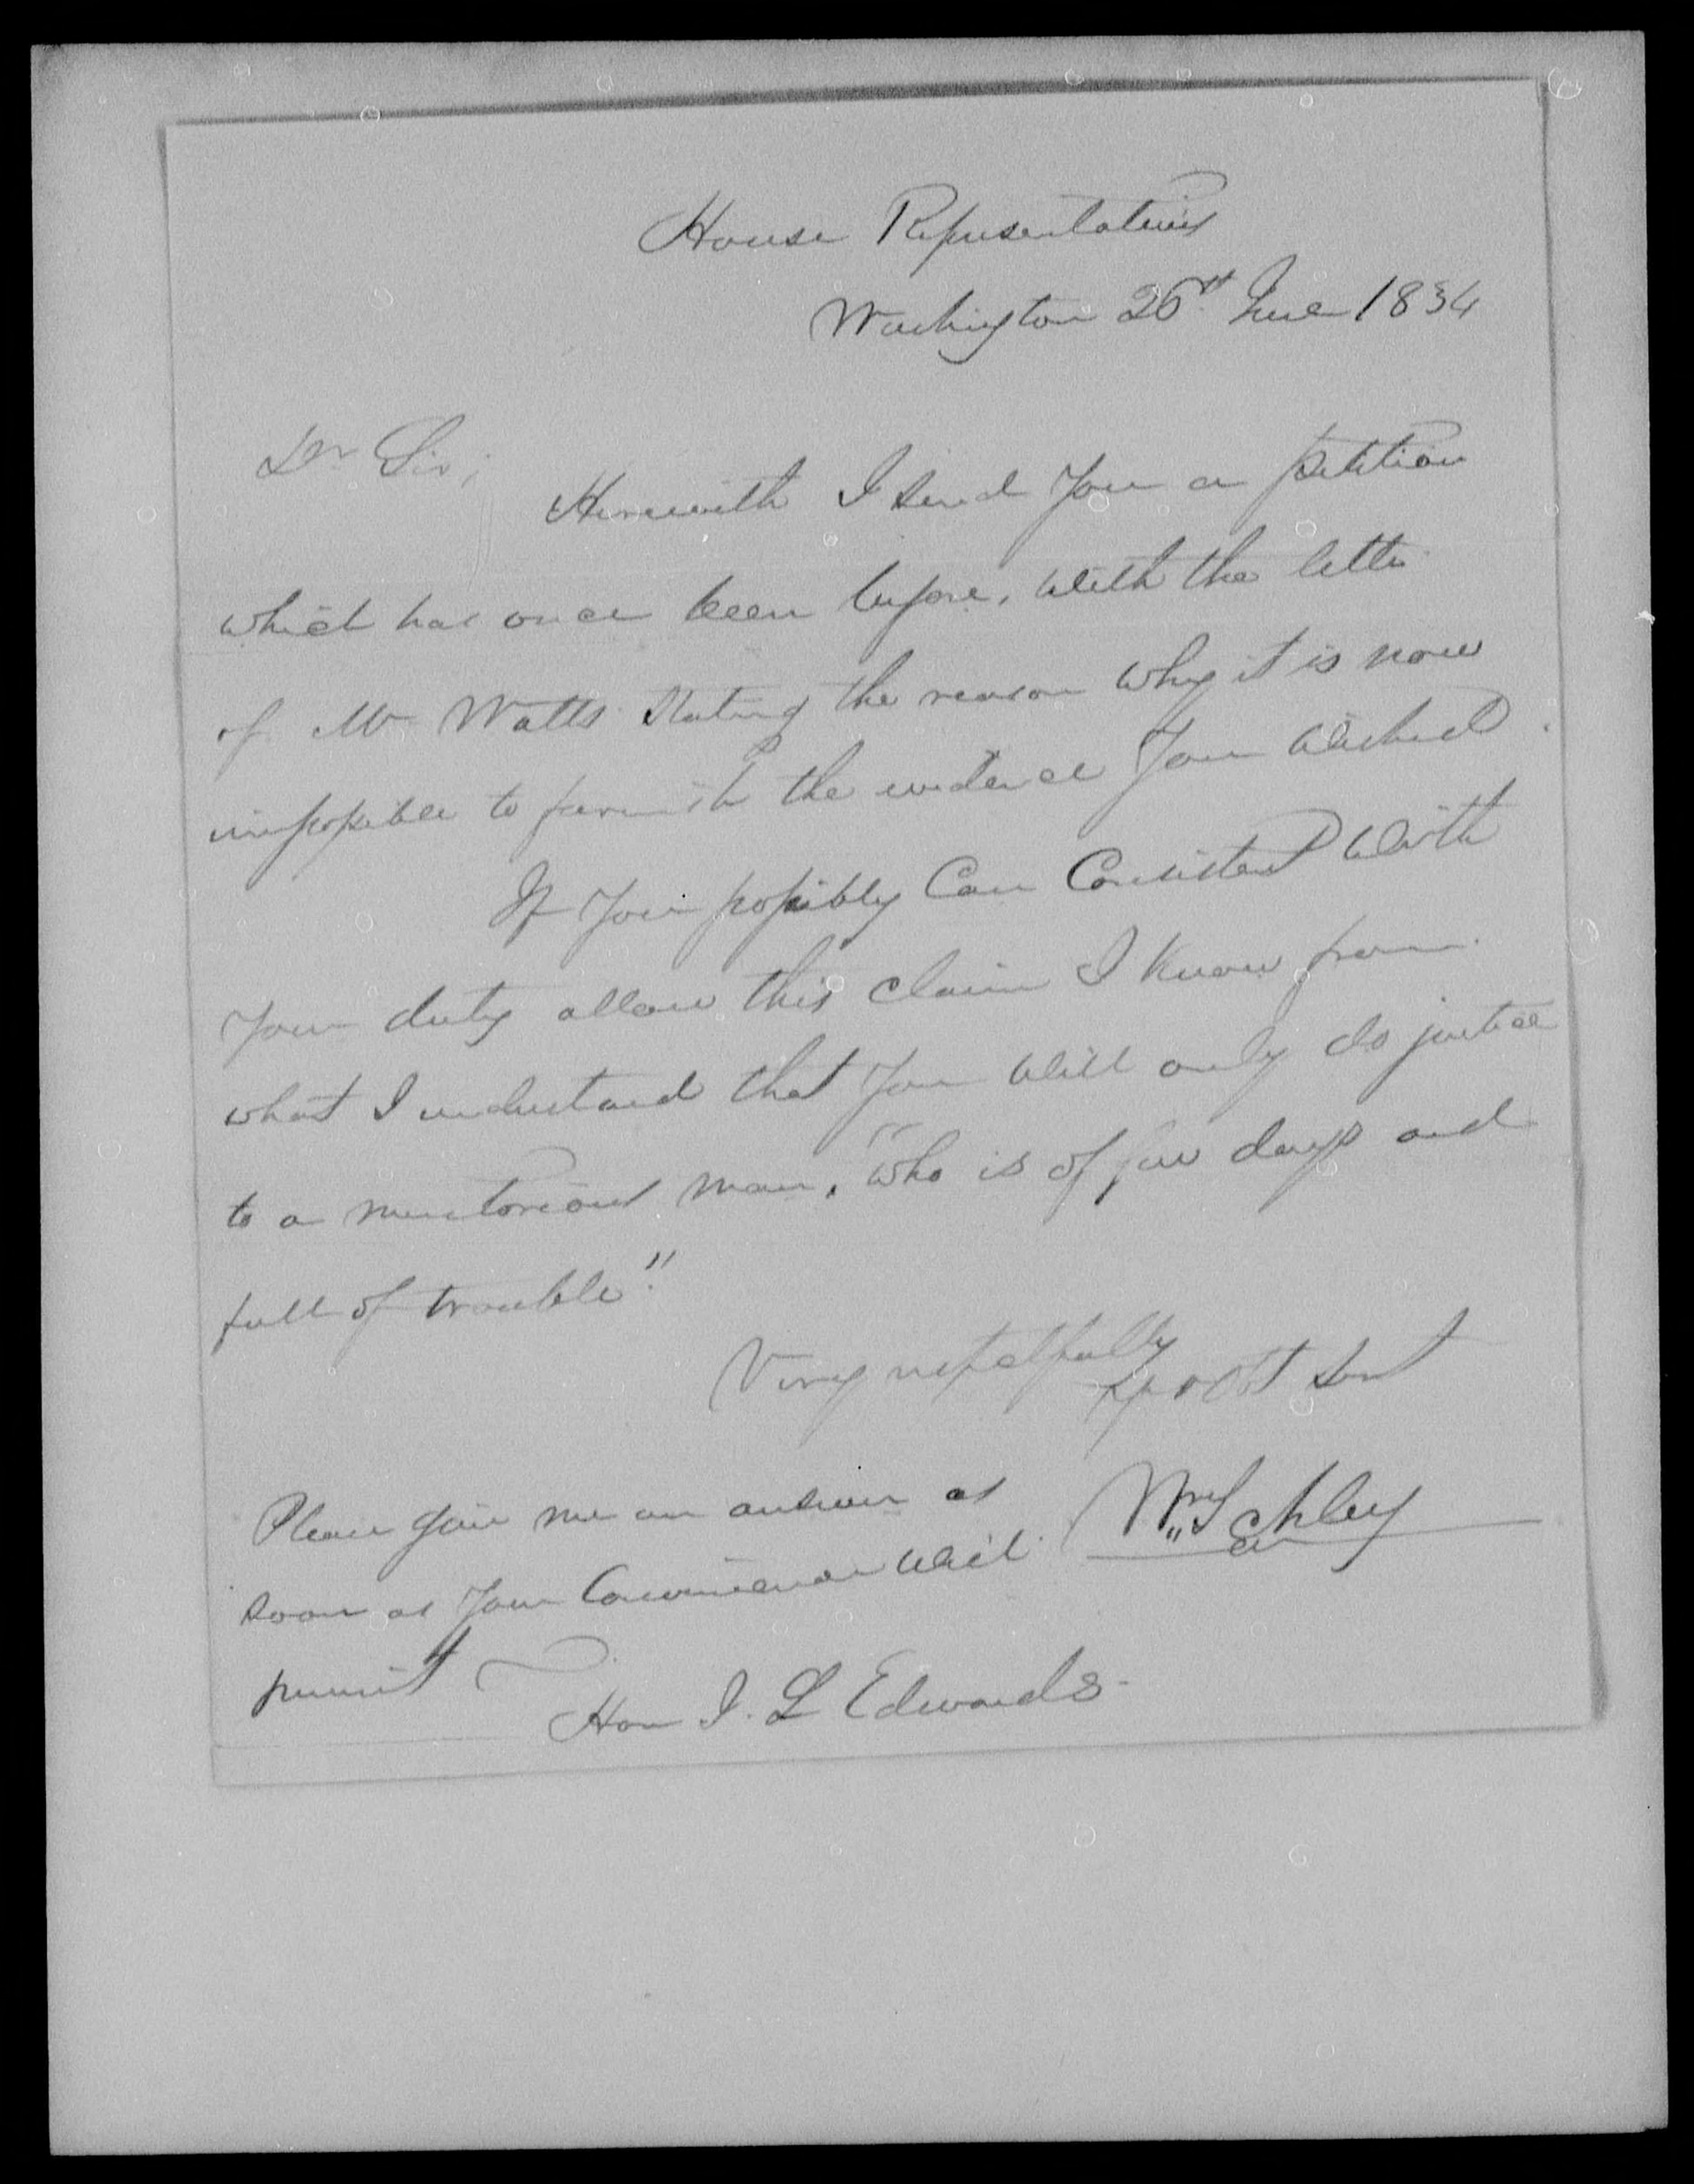House Representatives
Washington 26th June 1836
Dr Sir;
Herewith I send you a petition which has once been before, with the letter of Mr Watts stating the reason why it is now impossible to furnish the evidence you wished.
If you possibly can consistent with your duty allow this claim I know from what I understand that you will only do justice to a meritorious man, "who is of few days and full of trouble."
Very respectfully
Yr Obt Svt
Wm Schley
Please give me an audience as soon as your Convenience will permit.
Hon. J. L Edwards-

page: 4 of 9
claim: rejected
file: R 10493, for Absalom Thomas, North Carolina